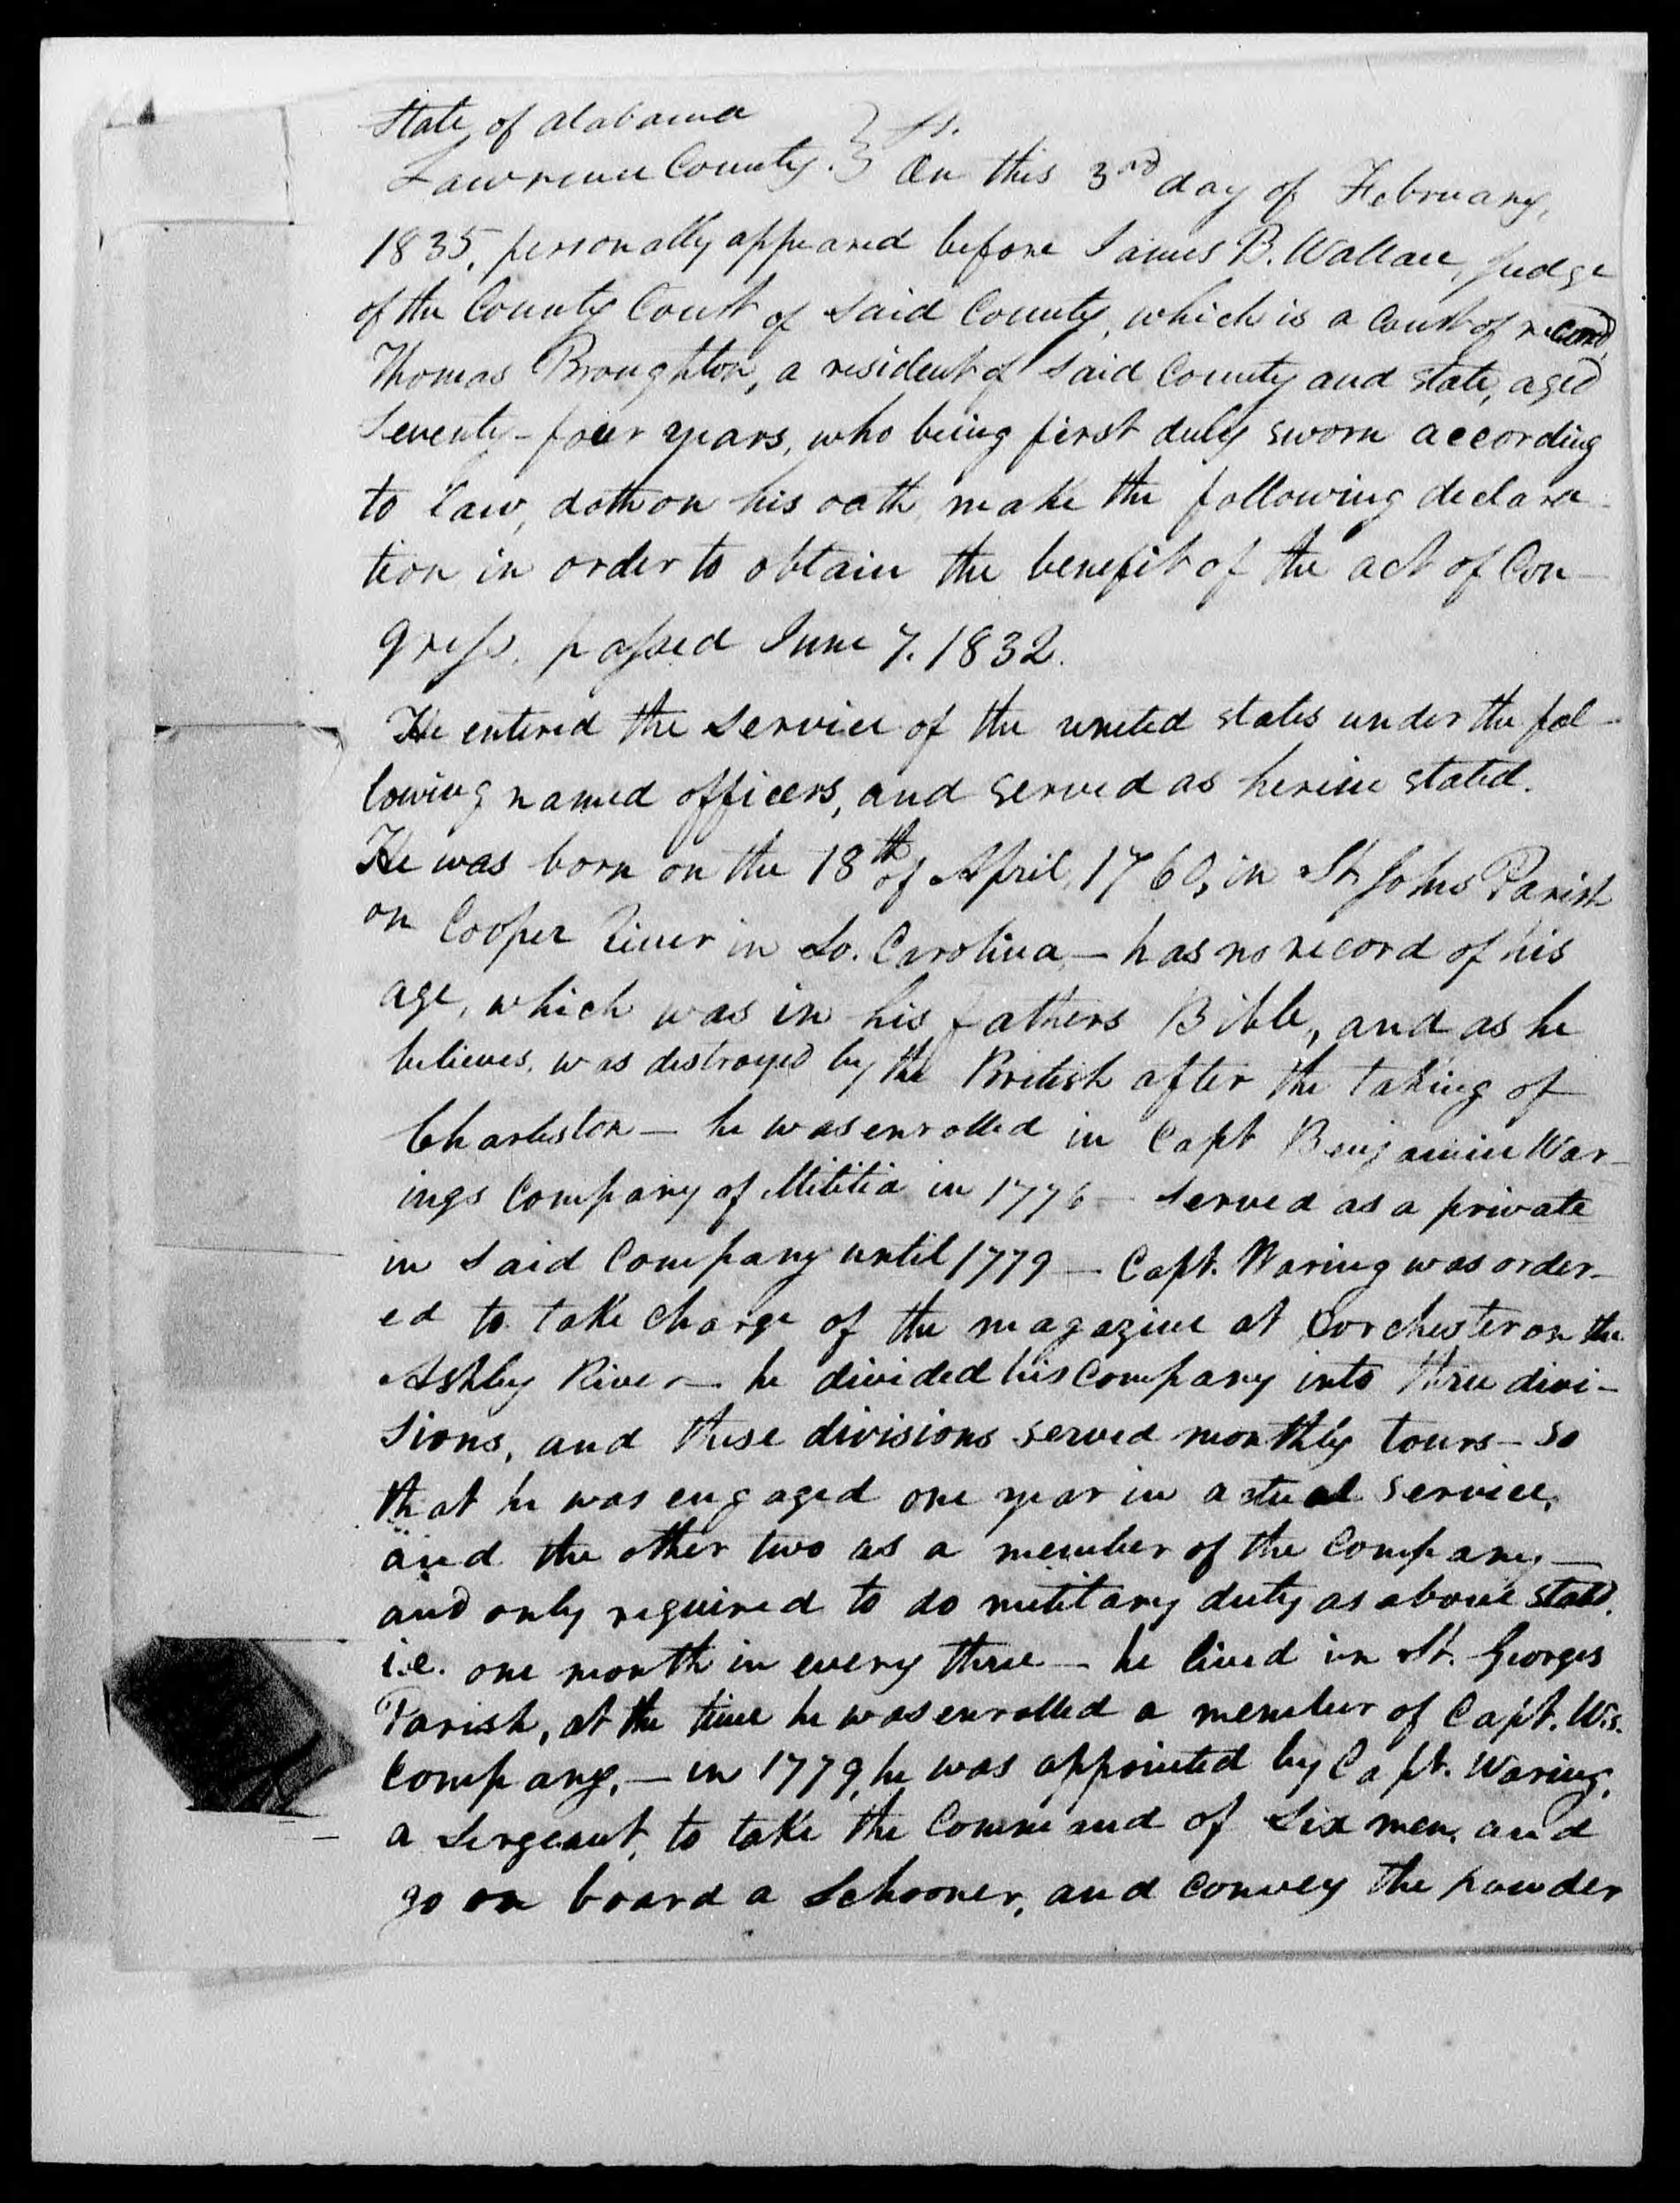State of Alabama Lawrence County On this 3rd day of February, 1835, personally appeared before James B. Wallace, Judge of the County Court of said County, which is a court of record Thomas Broughton, a resident of said county and state, aged Seventy-four years, who being first duly sworn according to law, doth on his oath, make the following declaration in order to obtain the benefit of the act of Congress passed June 7, 1832. He entered the service of the united states under the following named officers, and served as herein stated. He was born on the 18th of April 1760, in St. Johns Parish on Cooper River in So. Carolina - has no record of his age, which was in his father's Bible, and as he believes, was destroyed by the British after the taking of Charleston - he was enrolled in Capt. Benjamin Warings Company of Militia in 1776 - Served as a private in said company until 1779 - Capt. Waring was ordered to take charge of the magazine of Dorchester on the Ashby River - he divided his company into three divisions, and those divisions served monthly tours - so that he was engaged one year in actual service and the other two as a member of the company - and only required to do military duty as above stated i.e. one month in every three - he lived in St. Georges Parish at the time he was enrolled a member of Capt. W.s. company, - in 1779, he was appointed by Capt. Waring, a Sergeant, to take the Command of six men, and go on board a Schooner, and convey the powder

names: Waring, James B Wallace, Thomas Broughton, Waring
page: 7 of 72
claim: widow's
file: W. 897, Thomas Broughton, S.C.